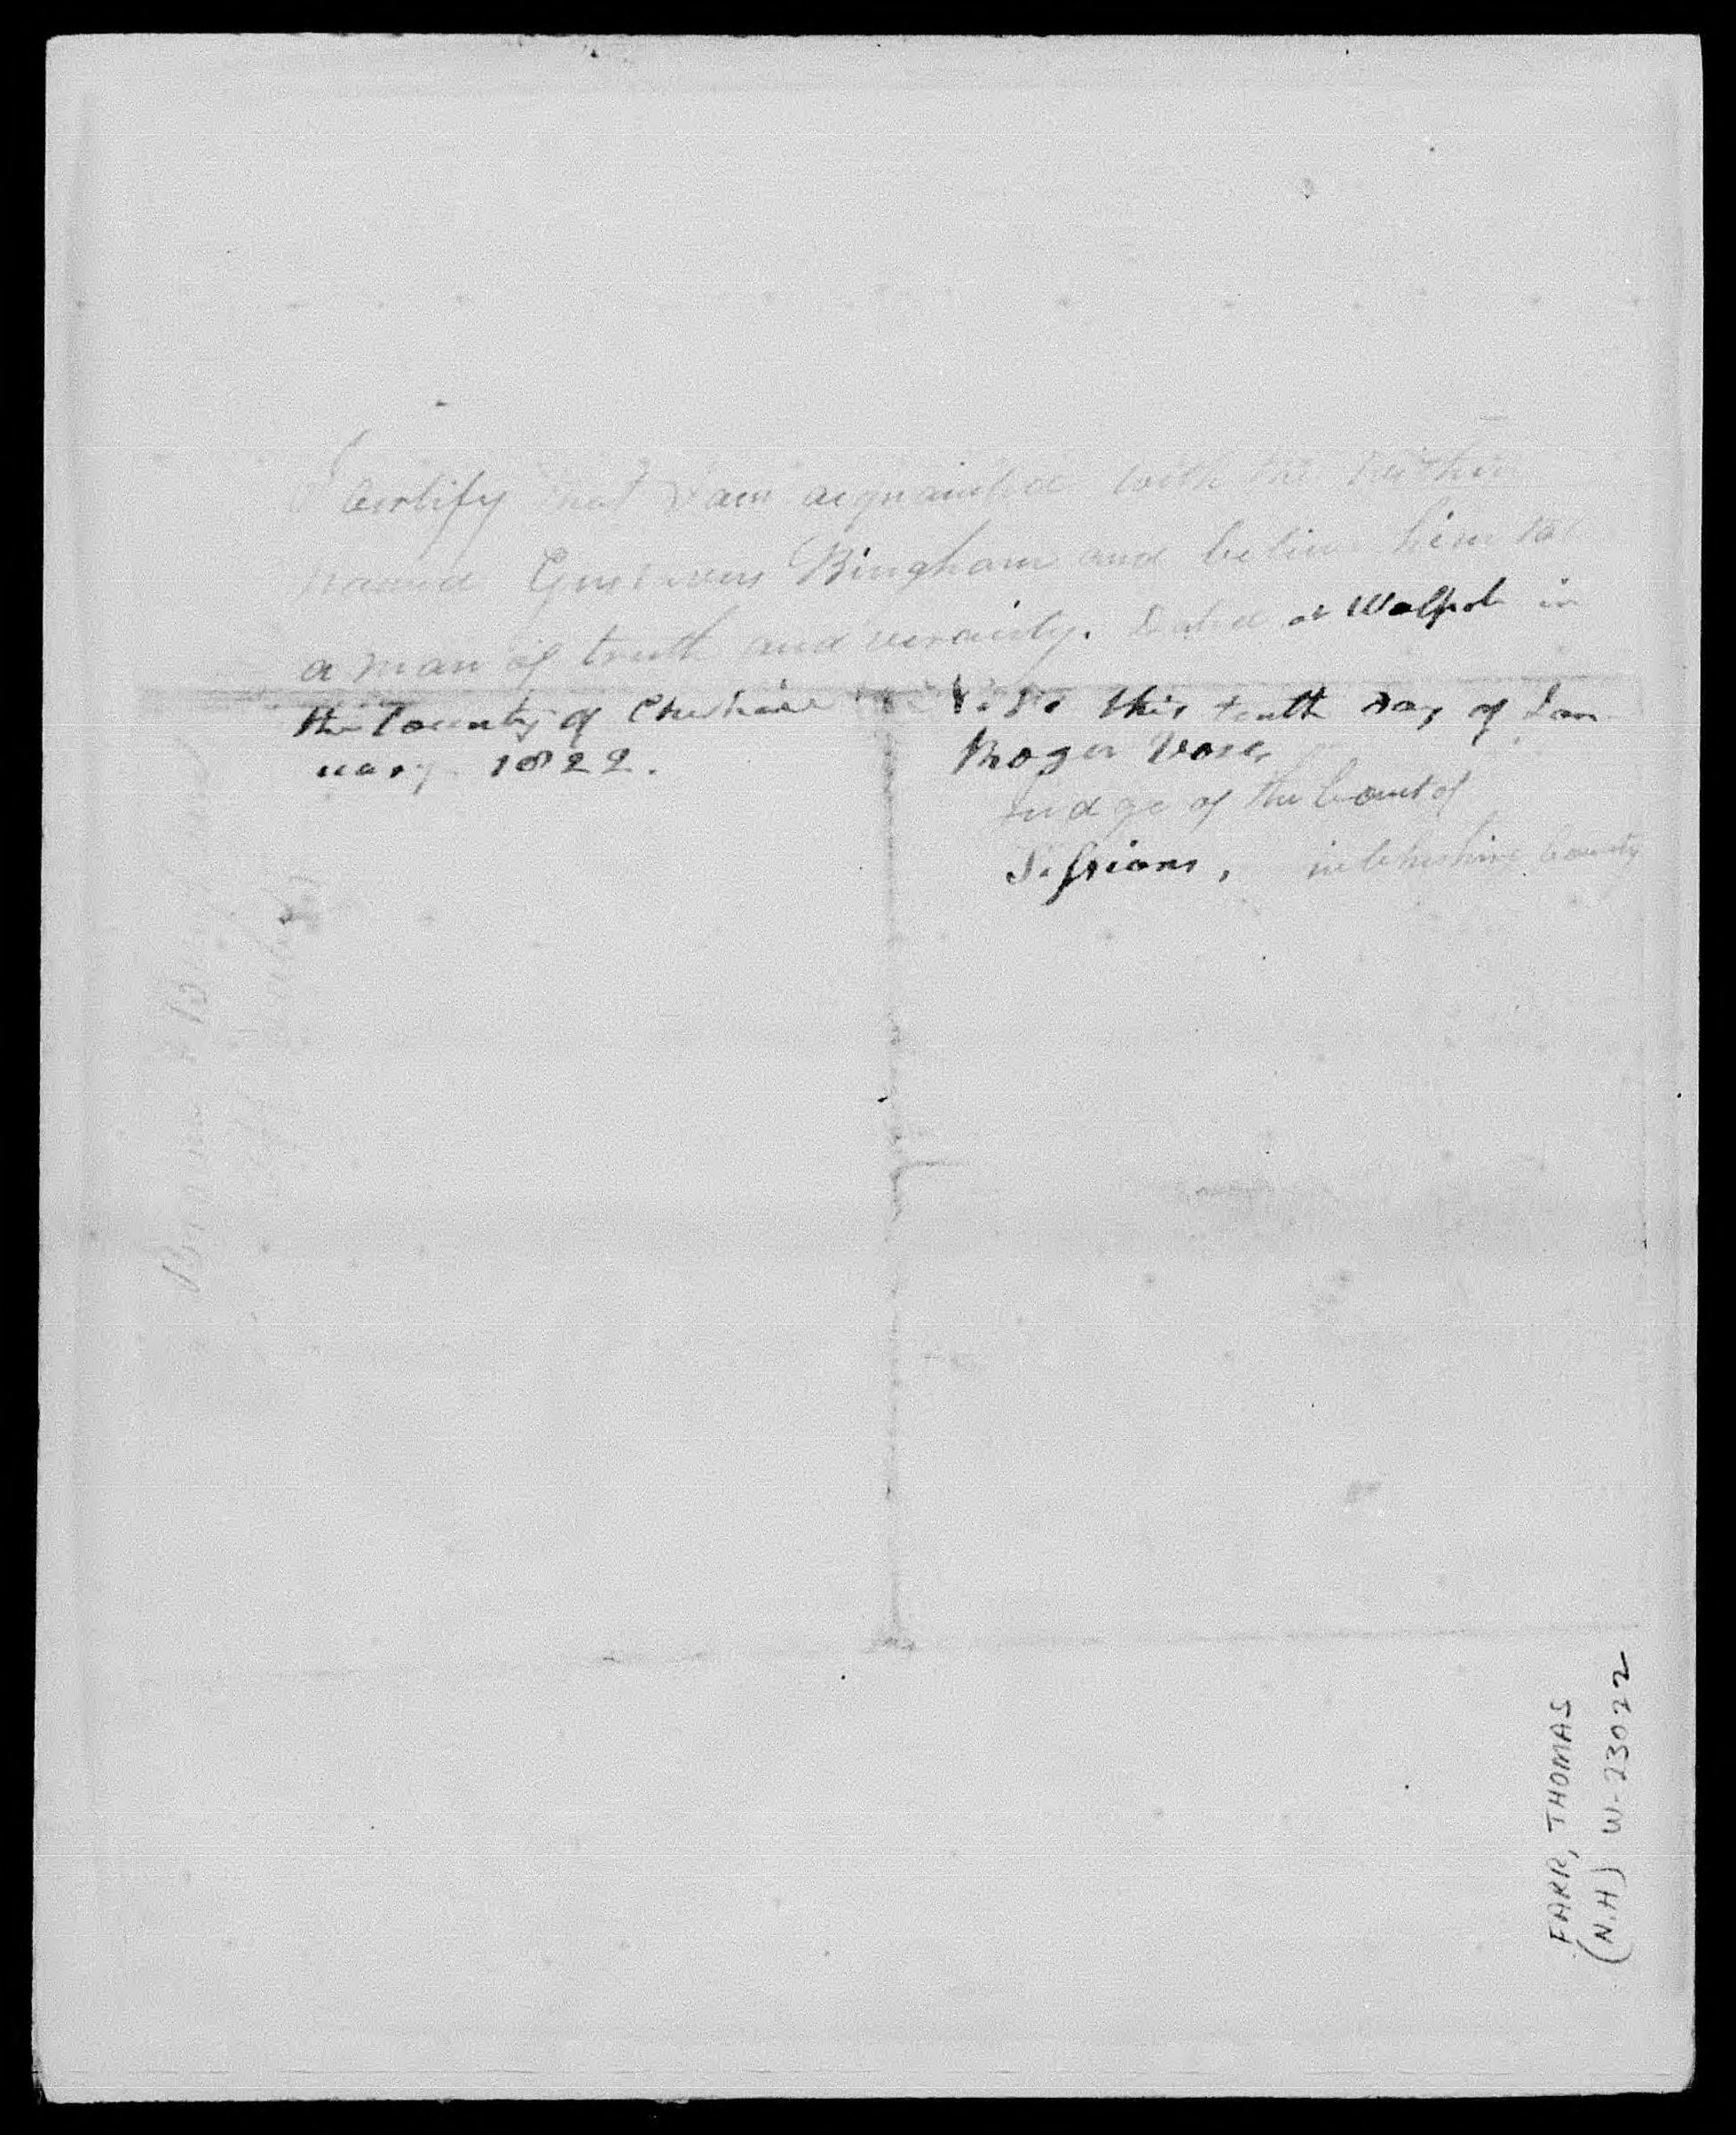I certify that I am acquainted with the witness named Gustavus Bingham and believe him to be
a man of truth and veracity. and at Walpole in
the County of Cheshire on this tenth day of January
1822    Roger Vose,
Judge of the Court of Sessions,   in Cheshire County

[very faint writing sideways on left side may say:]
Braden Bingham
Jeff Jacobs

[written sideways on bottom right]
FARR, THOMAS
(N.H.) W-23022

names: Gustawy Bingham, Thomas Farr, Roger Vose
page: 23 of 46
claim: widow's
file: W. 23022, Thomas Farr, N.H.